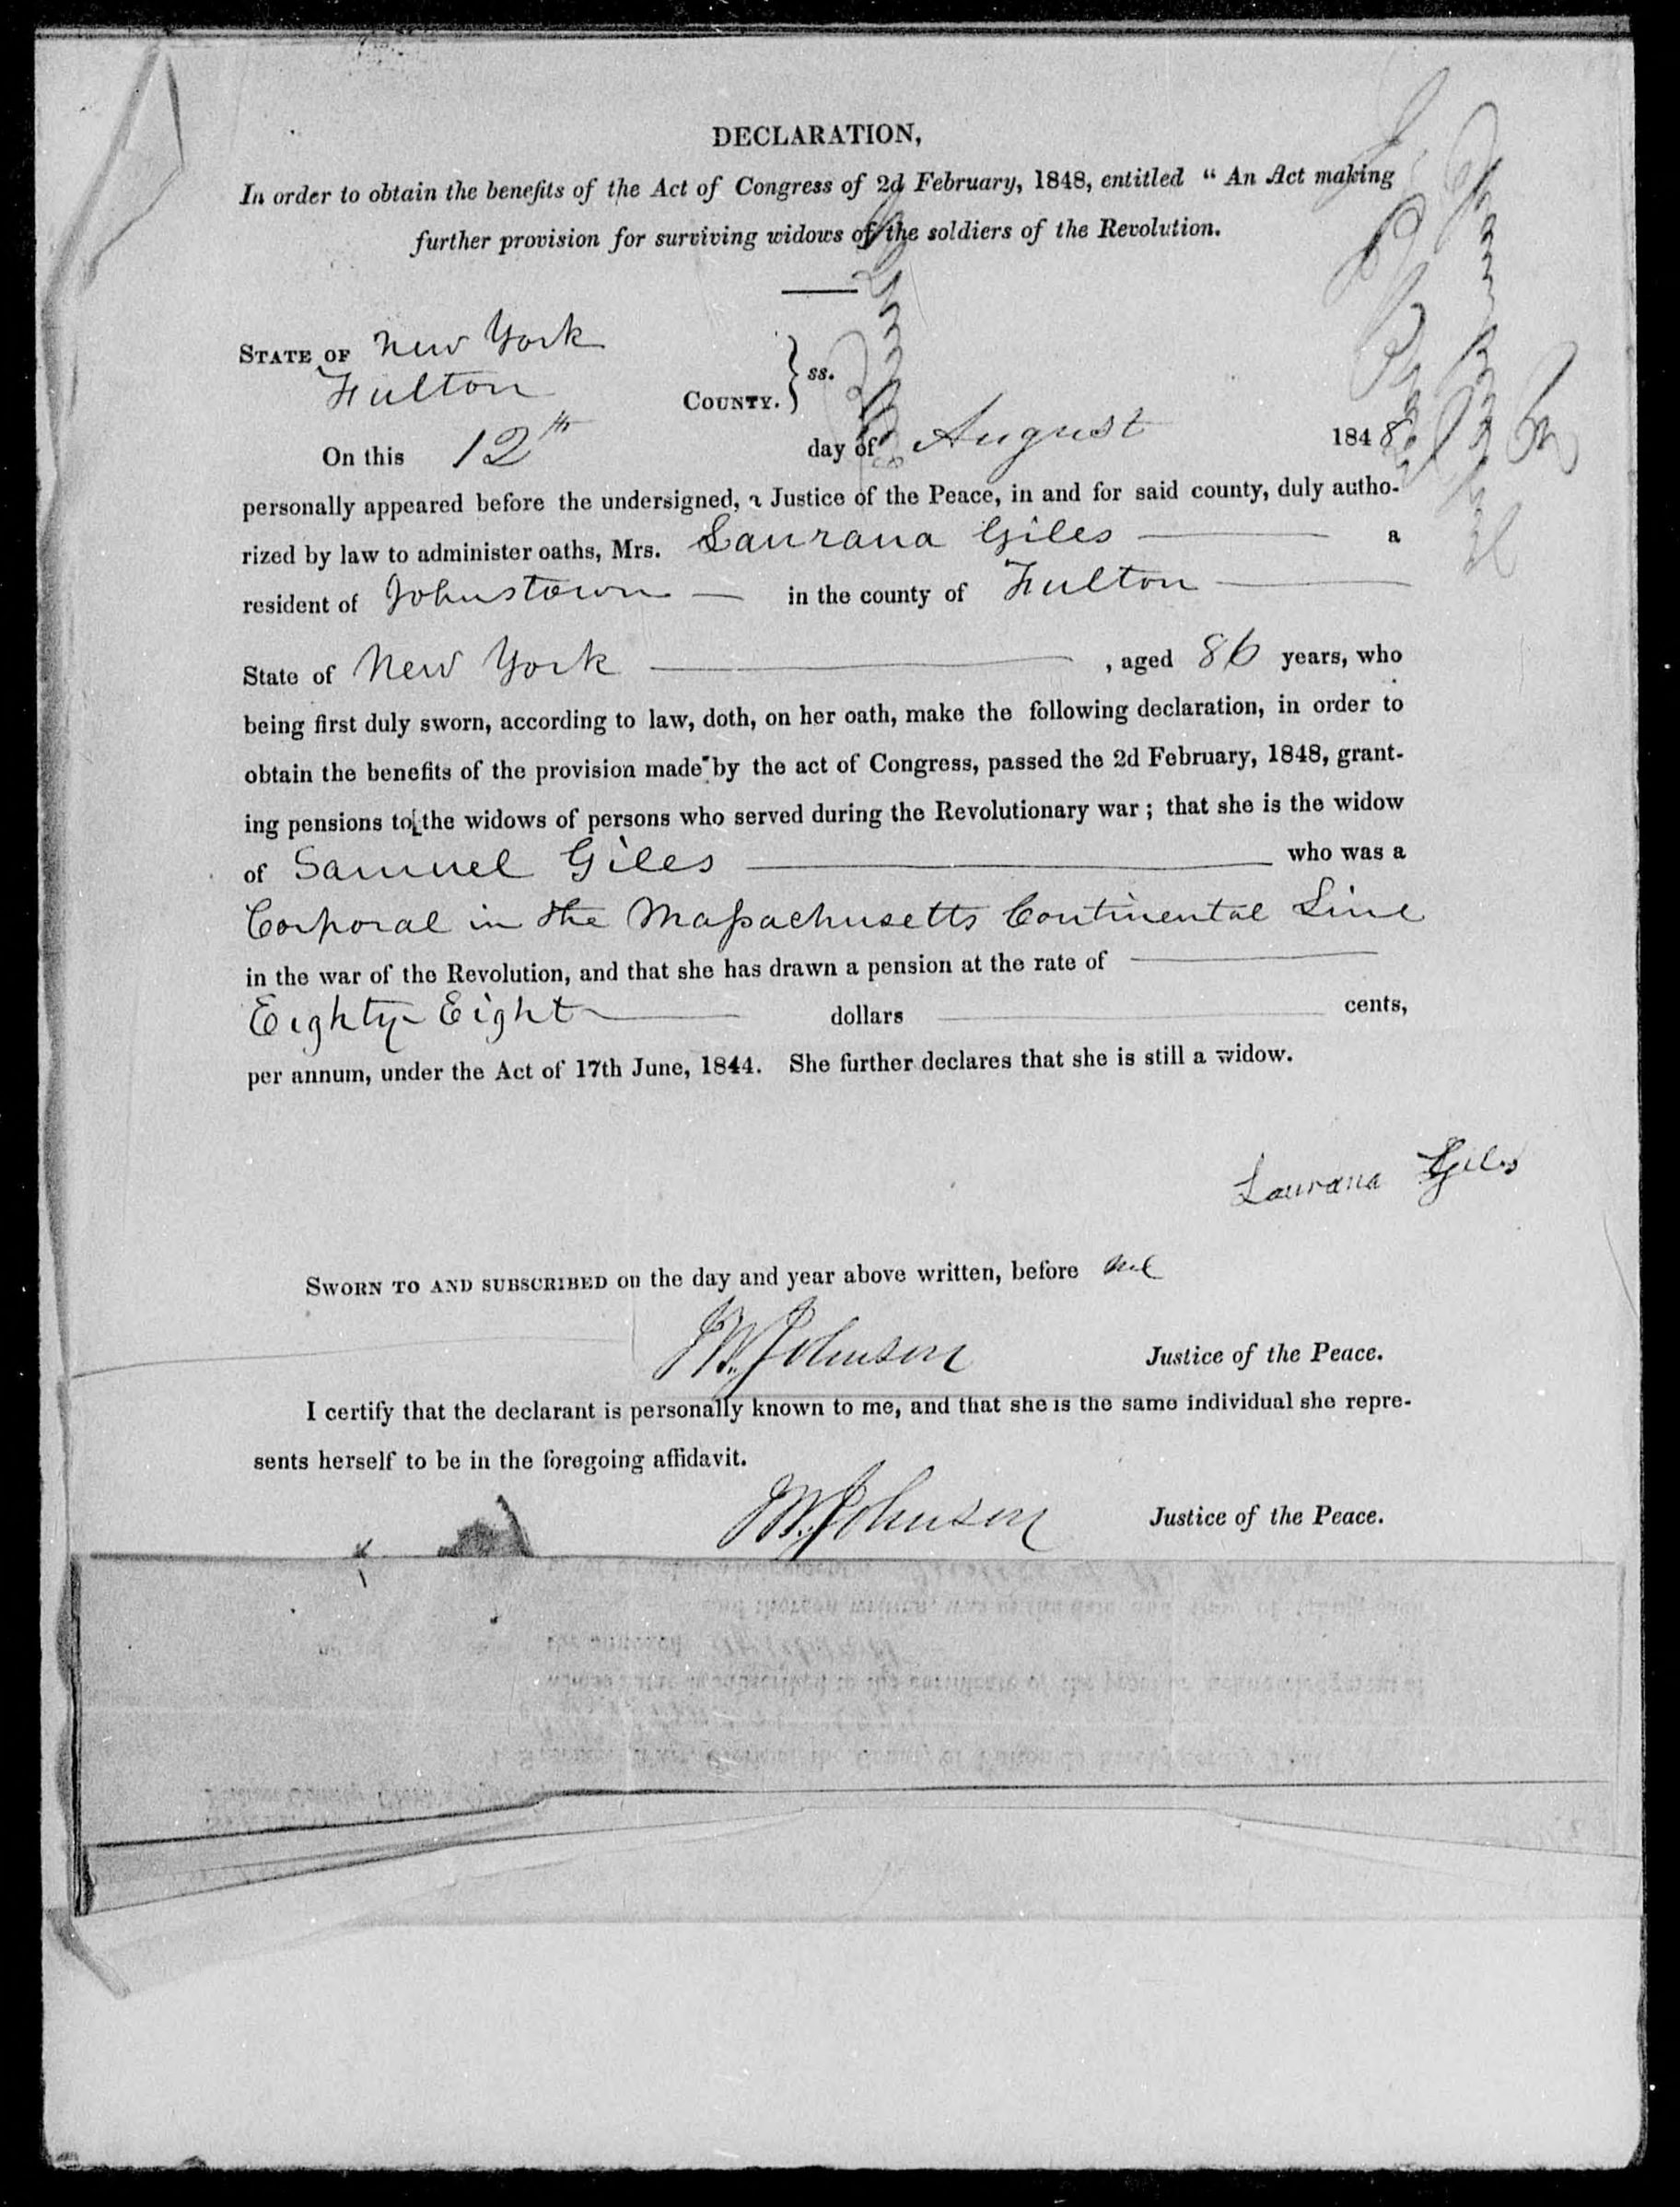DECLARATION
In order to obtain the benefits of the Act of Congress of 2d February, 1848, entitled "An Act making 
further provision for surviving widows of the soldiers of the Revolution.

STATE OF New York
Fulton COUNTY.
On this 12th day of August 1848
personally appeared before the undersigned, a Justice of the Peace, in and for said county, duly authorized by law to administer oaths, Mrs. Laurana Giles - resident of Johnstown in the county of Fulton - State of New York, aged 86 years, who
being first duly sworn, according to law, doth, on her oath, make the following declaration, in order to obtain the benefits of the provision made "by the act of Congress, passed the 2d February, 1848, granting pensions to the widows of persons who served during the Revolutionary war; that she is the widow of Samuel Giles who was a Corporal in the Massachusetts Continental Line in the war of the Revolution, and that she has drawn a pension at the rate of Eighty Eight dollars - cents,
per annum, under the Act of 17th June, 1844. She further declares that she is still a widow.

Laurana
SWORN TO AND SUBSCRIBED on the day and year above written, before [illegible]
J W. Johnson Justice of the Peace
I certify that the declarant is personally known to me, and that she is the same individual she represents herself to be in the foregoing affidavit.
J W. Johnson
Justice of the Peace.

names: J W Johnson, J W Johnson, Laurana Giles, Laurana Giles, Samuel Giles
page: 41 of 55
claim: widow's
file: W. 19503, Samuel Giles, Conti. Mass. New York